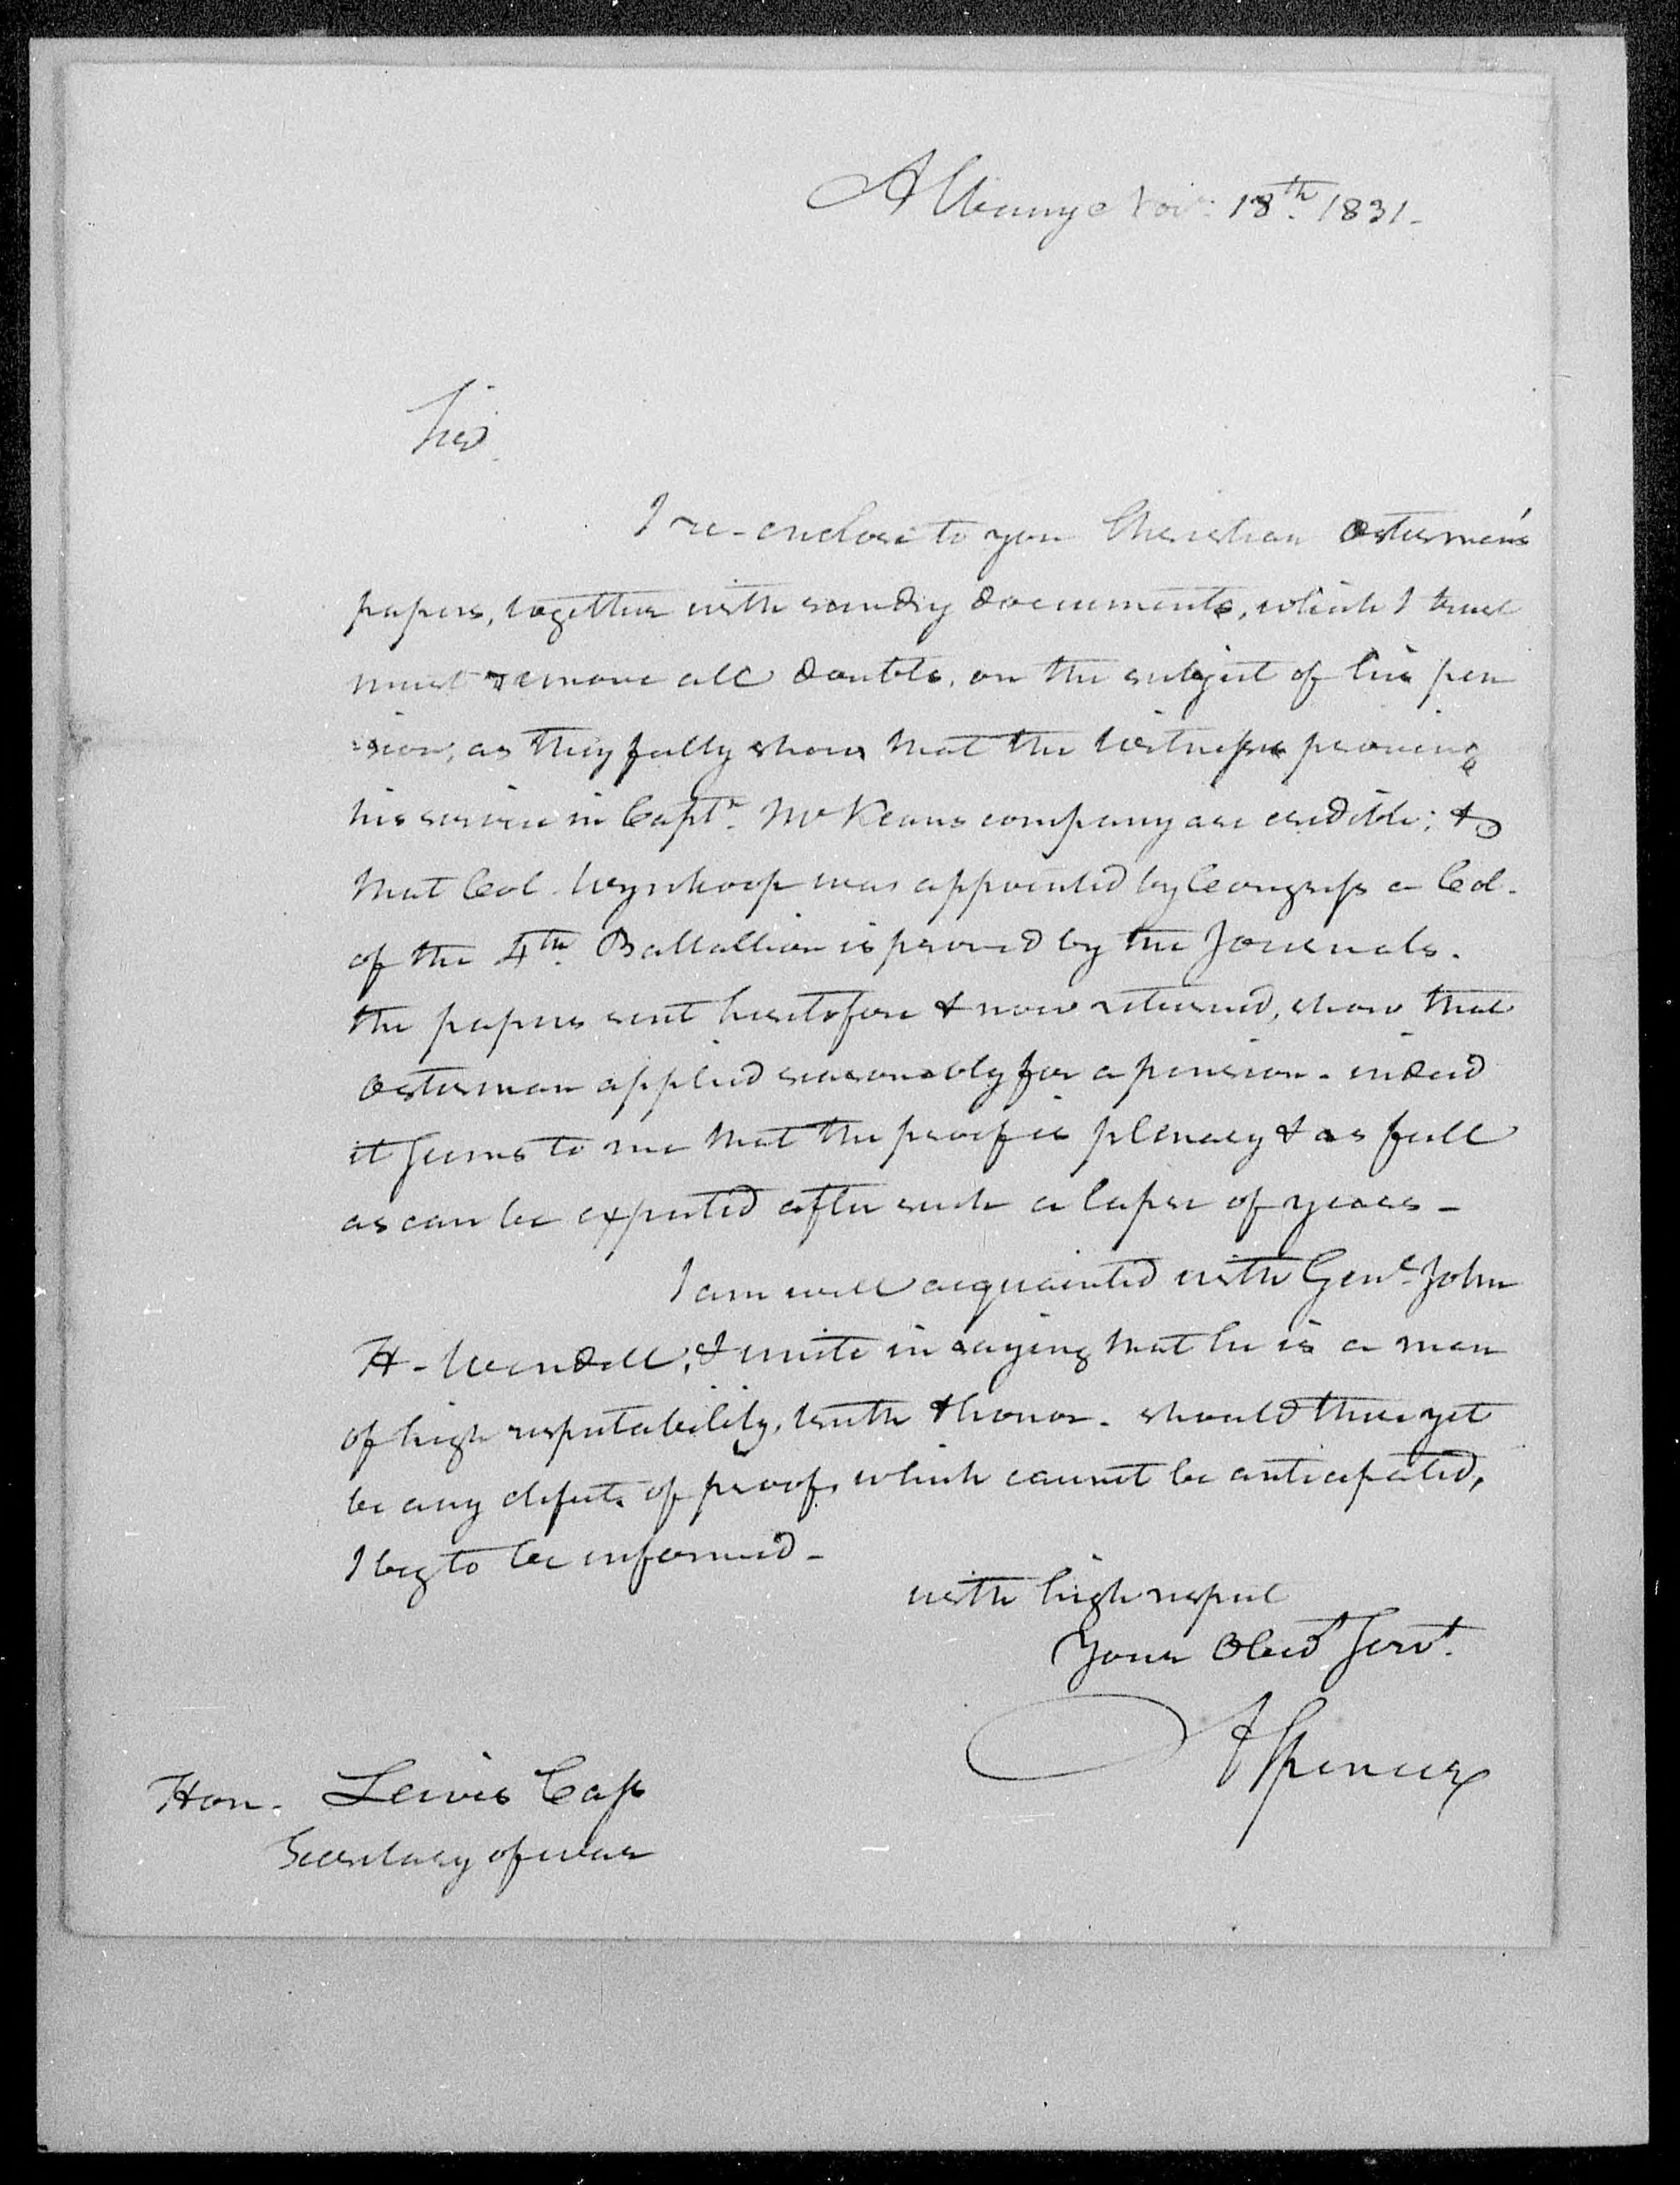Albany Nov 18th 1821

Sir:
I re-enclose to you Christian Osterman's papers, together with sounding documents, which I trust meet enclose all doubts, on the subject of his pension as they fully show most the witnesses procuring his service in Capt. McKeens company are credible and meet Col. Wynkoop was appointed by Congress a Col. of the 4th Battalion is proved by the Journals. The papers sent heretofore and now returned those that Osterman applied seasonably for a pension indeed it turns to me not the profile plenancy and as full as can be expected after such a lapse of years. 
I am well acquainted with Gen. John H. Wendell and unite in saying that he is a man of high respectability, truth, & honor Should thought be to any dispute of proof which cannot be anticipated, I beg to be informed. 
With high respecy
Your obet. Servt. 
A Spencer

Hon. Lewis Cass
Secretary of War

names: [BLANK] Osterman; [BLANK] Wynkoop; A Spencer; John H Wendell; Lewis Cass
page: 17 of 40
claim: widow's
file: W. 21876, for Christian Osterman, New York